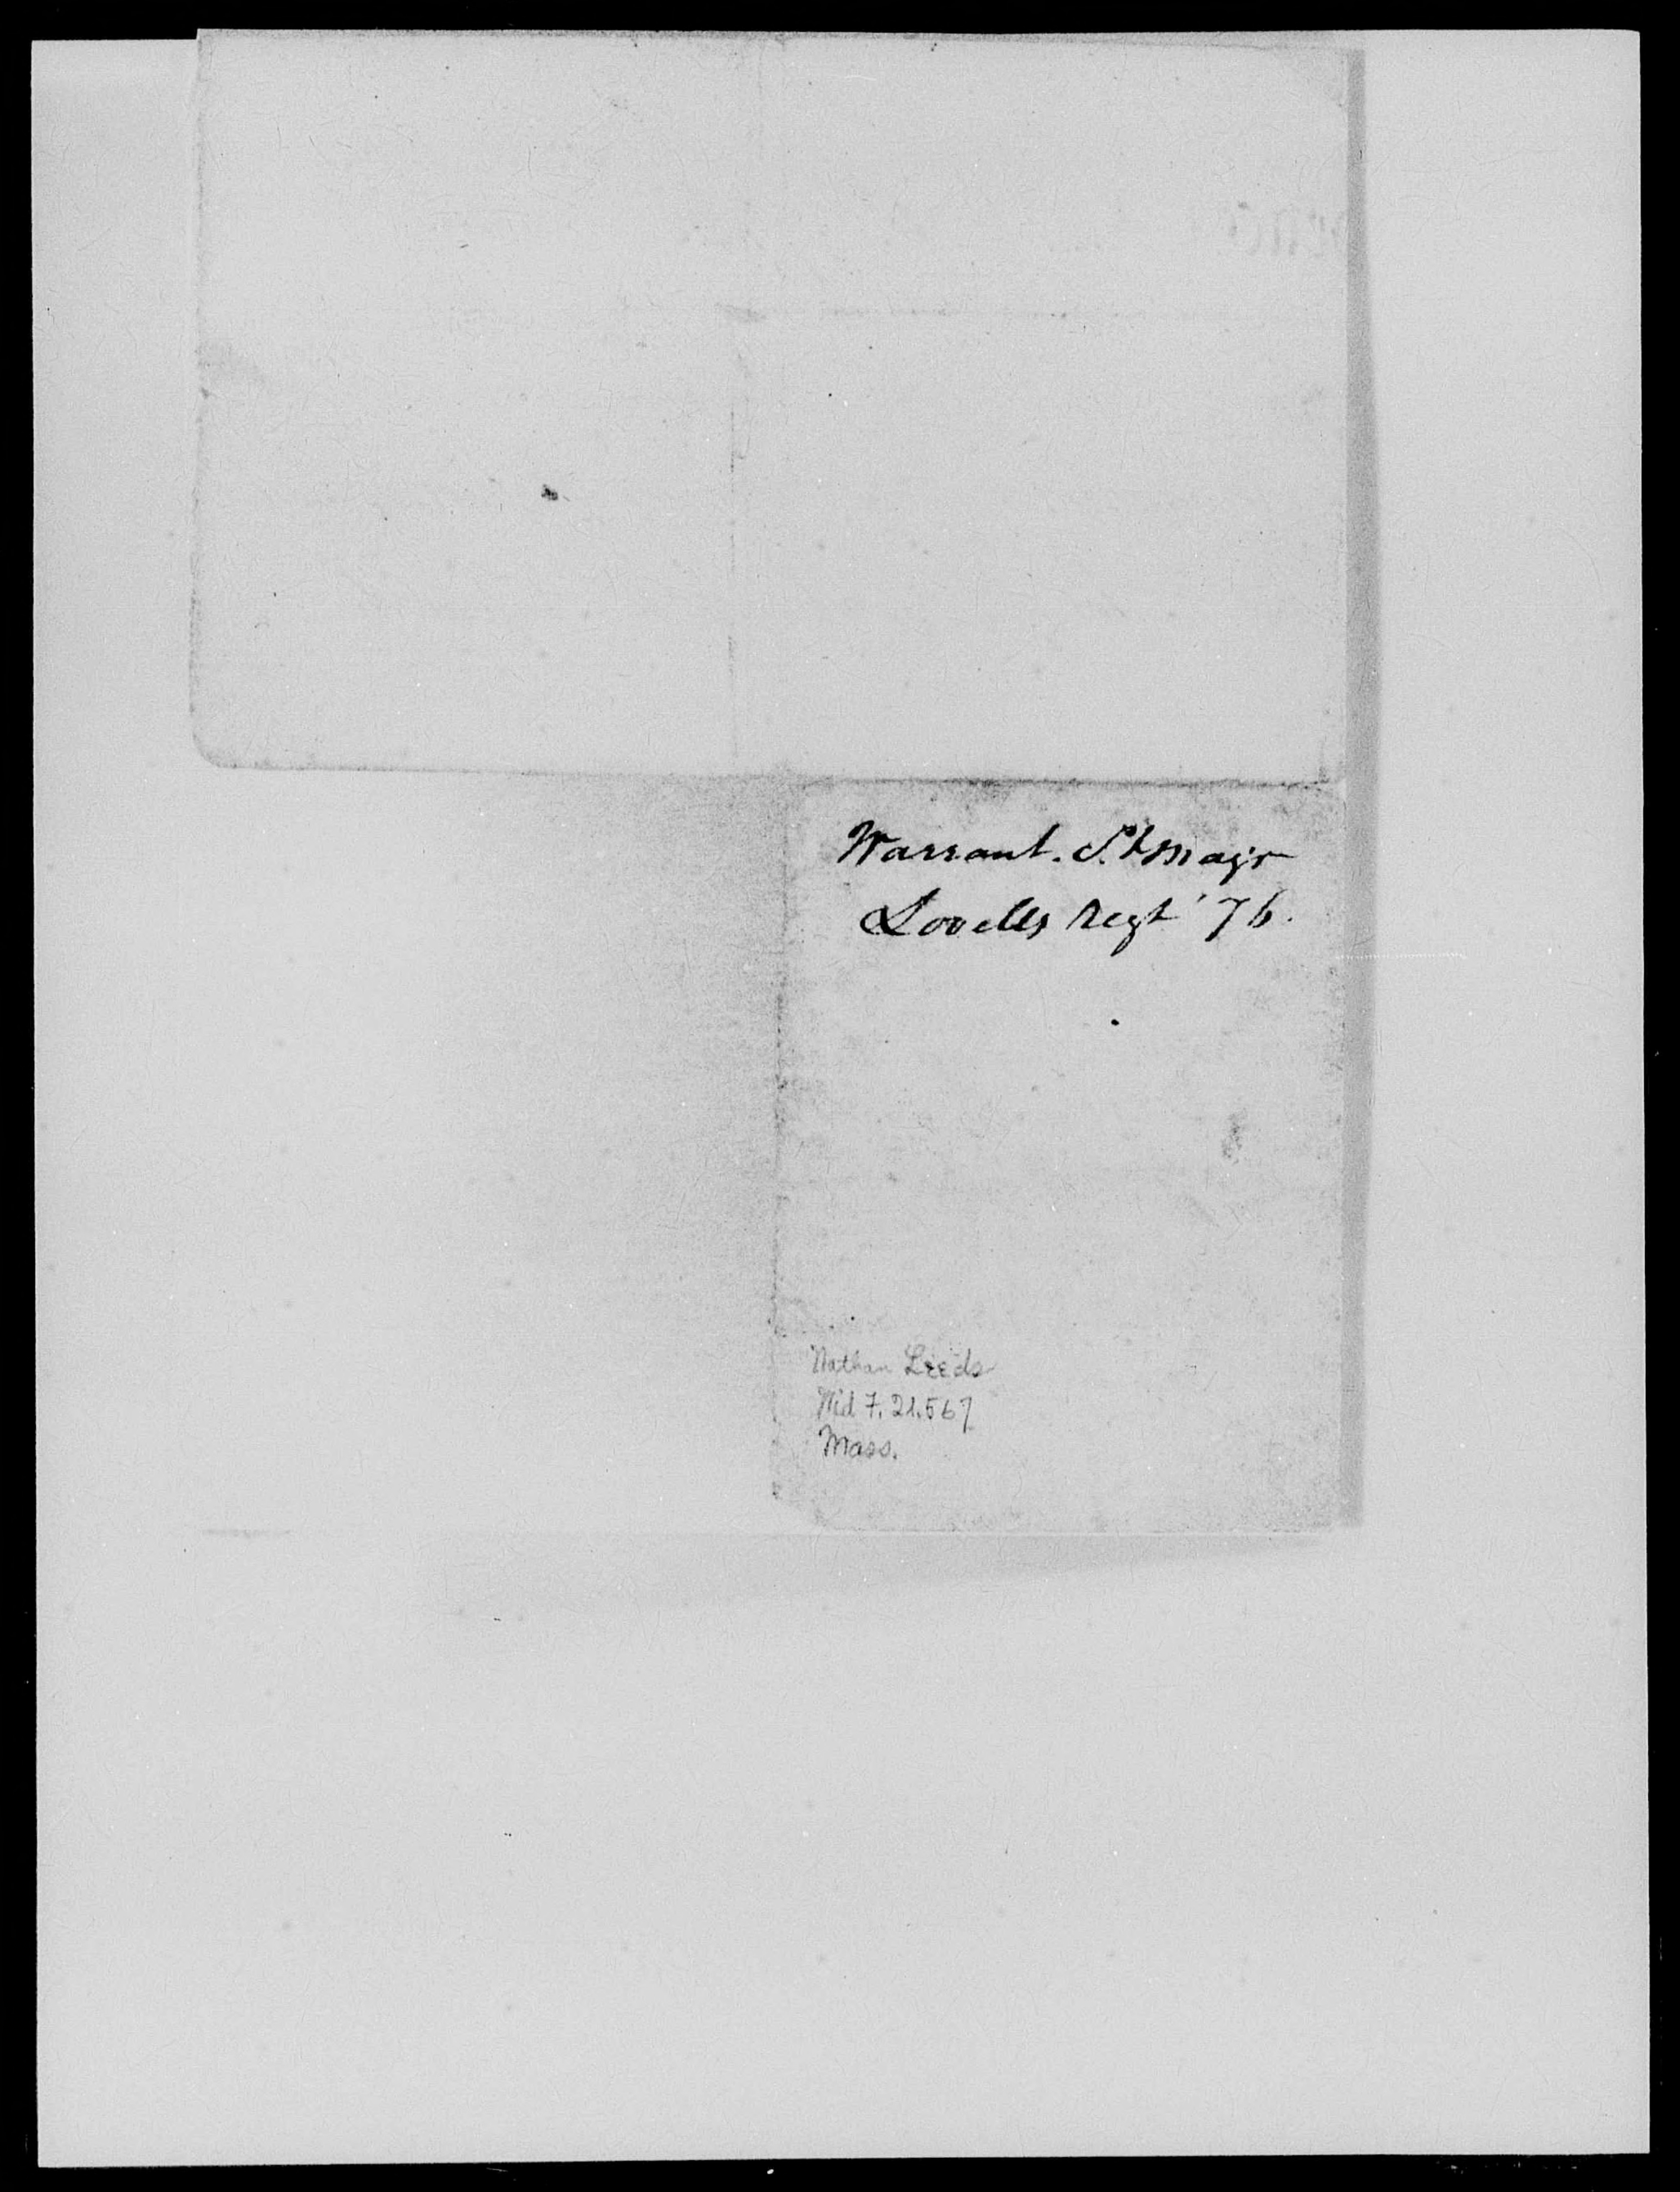Warrant. St Majr
Loveles Regt 76
Nathan Leeds
Wid 7. 2l567
Mass.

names: Nathan Leeds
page: 31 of 33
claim: widow's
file: W. 21,567, for Nathan Leeds, Massachusetts